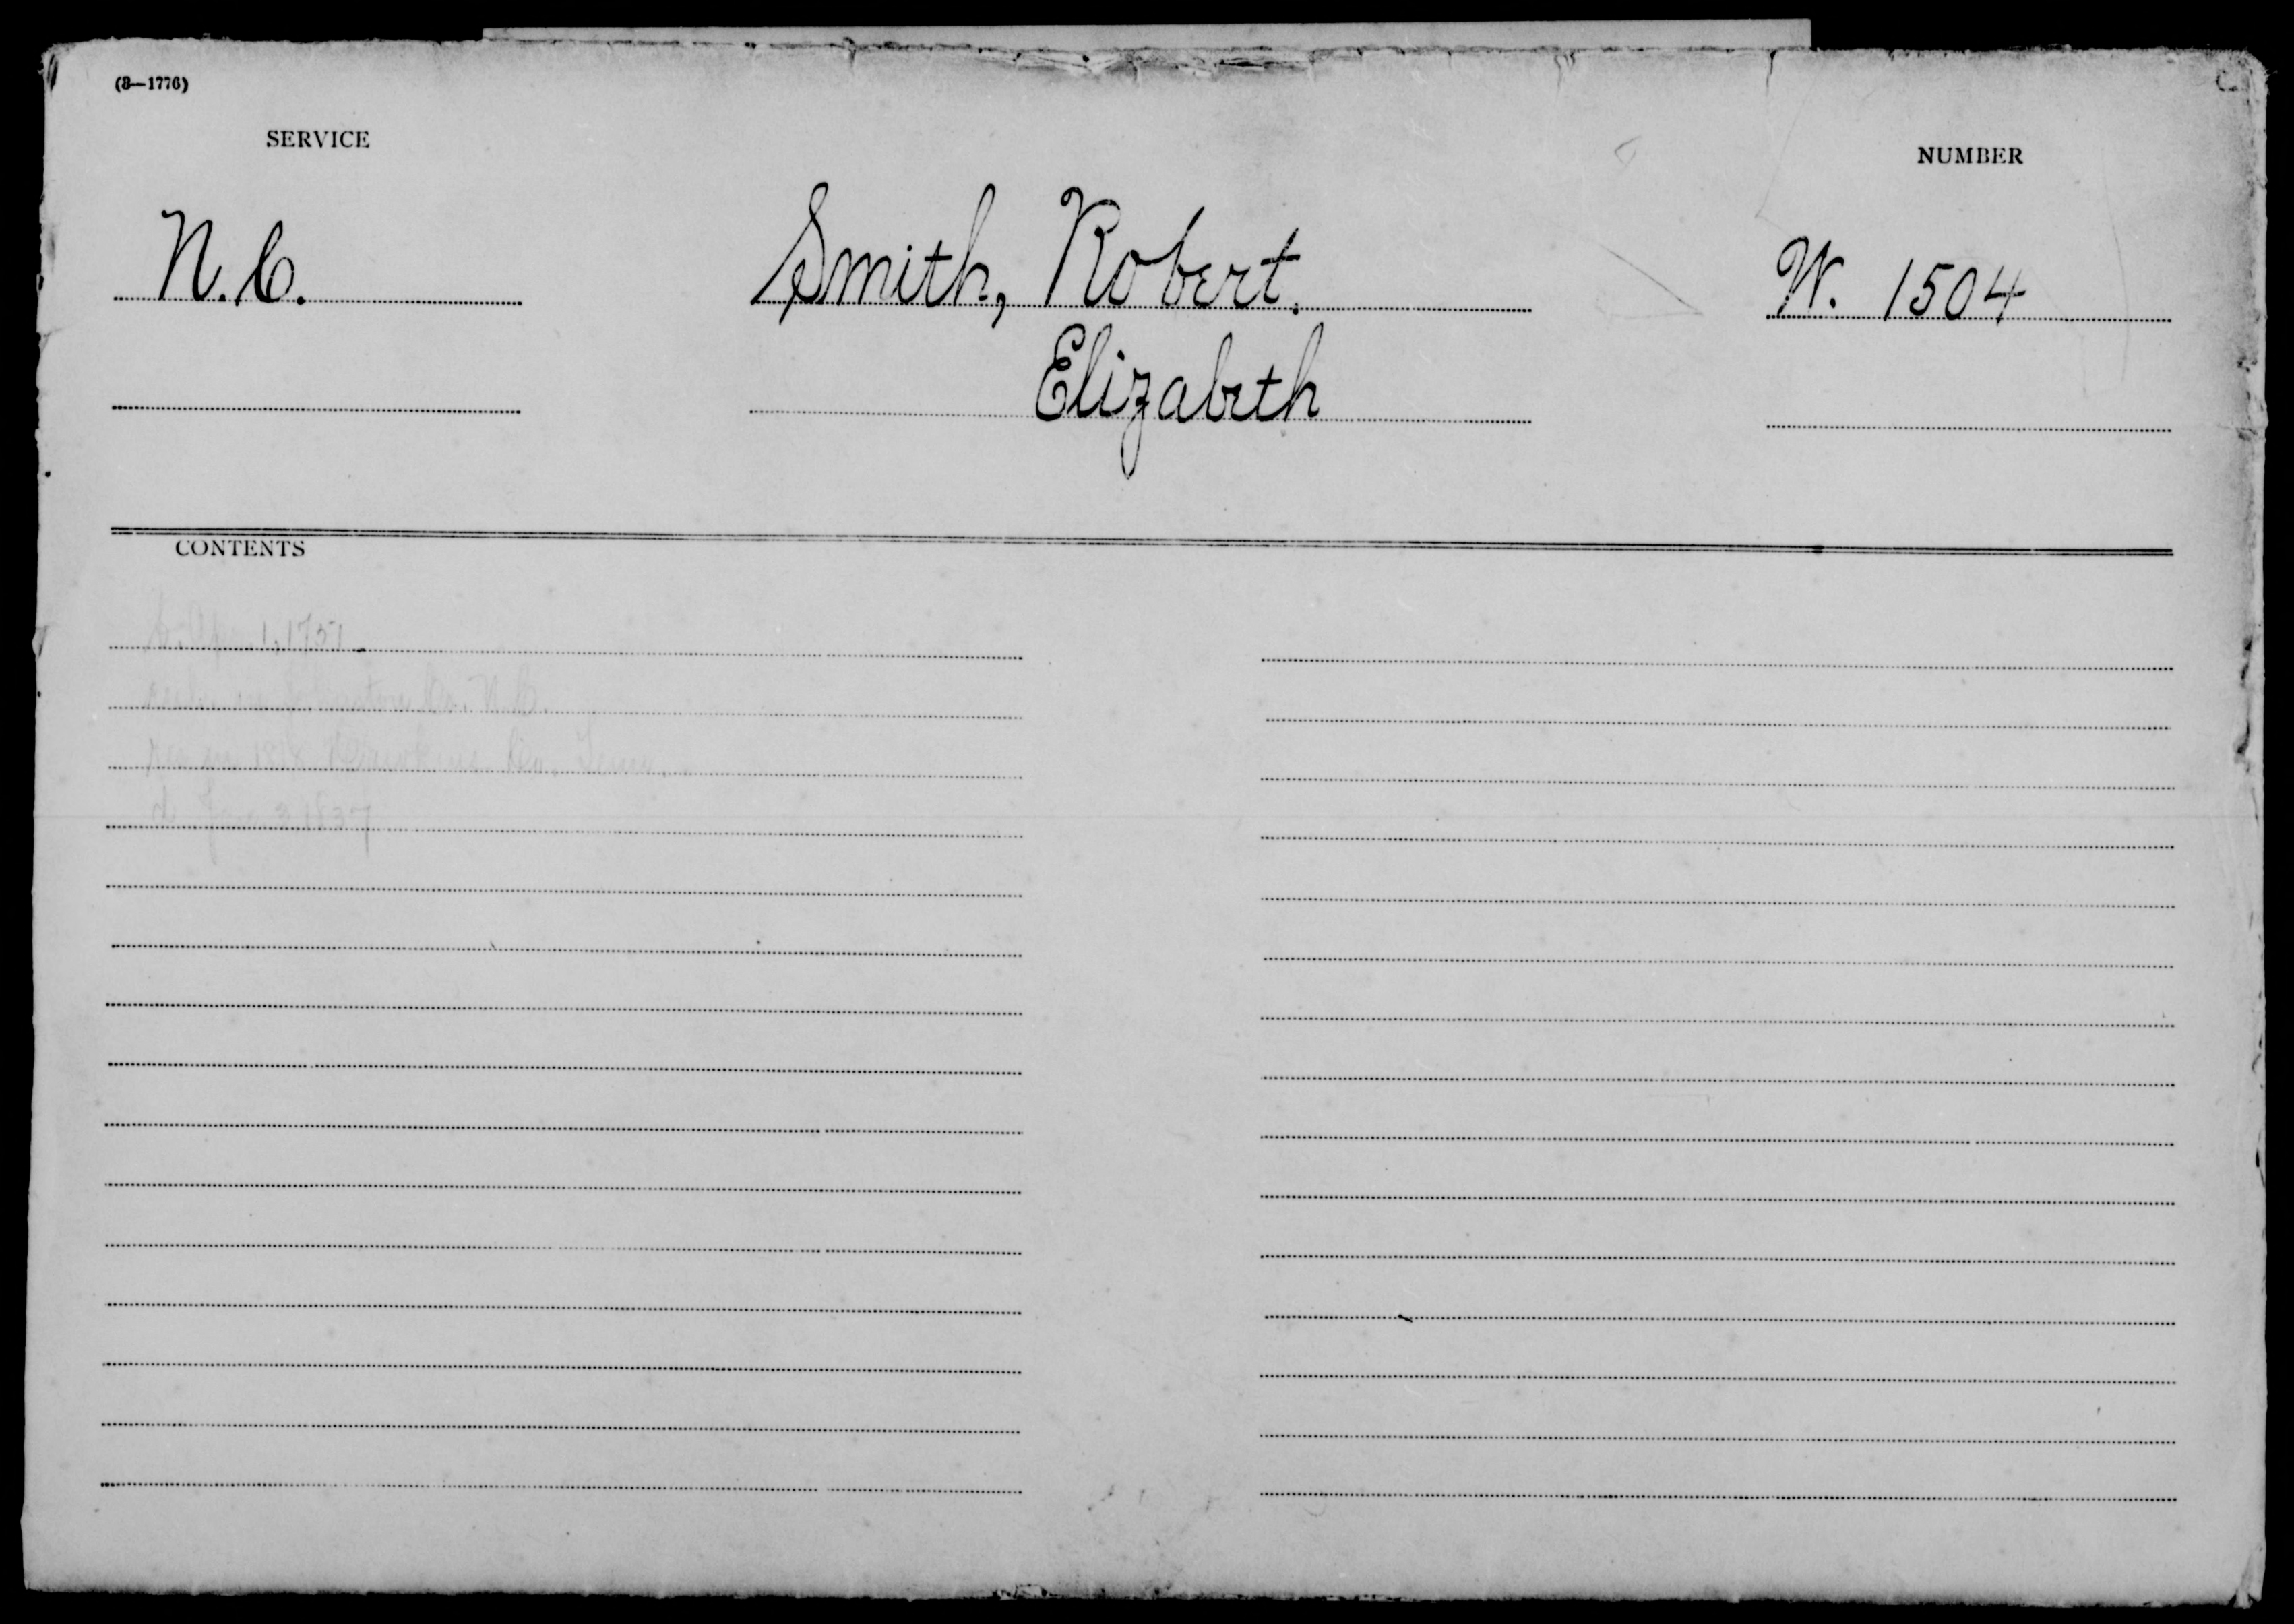(3-1776)

SERVICE
N.C.

Smith, Robert
Elizabeth

NUMBER
W. 1504

CONTENTS
b. Apr 1, 1751
Enlst in Johnston Co. N.C.
res in 1818 Hawkins Co. Tenn.
d. Jan. 3 1837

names: [BLANK]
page: 1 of 79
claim: widow's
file: W. 1504, for Robert Smith, North Carolina